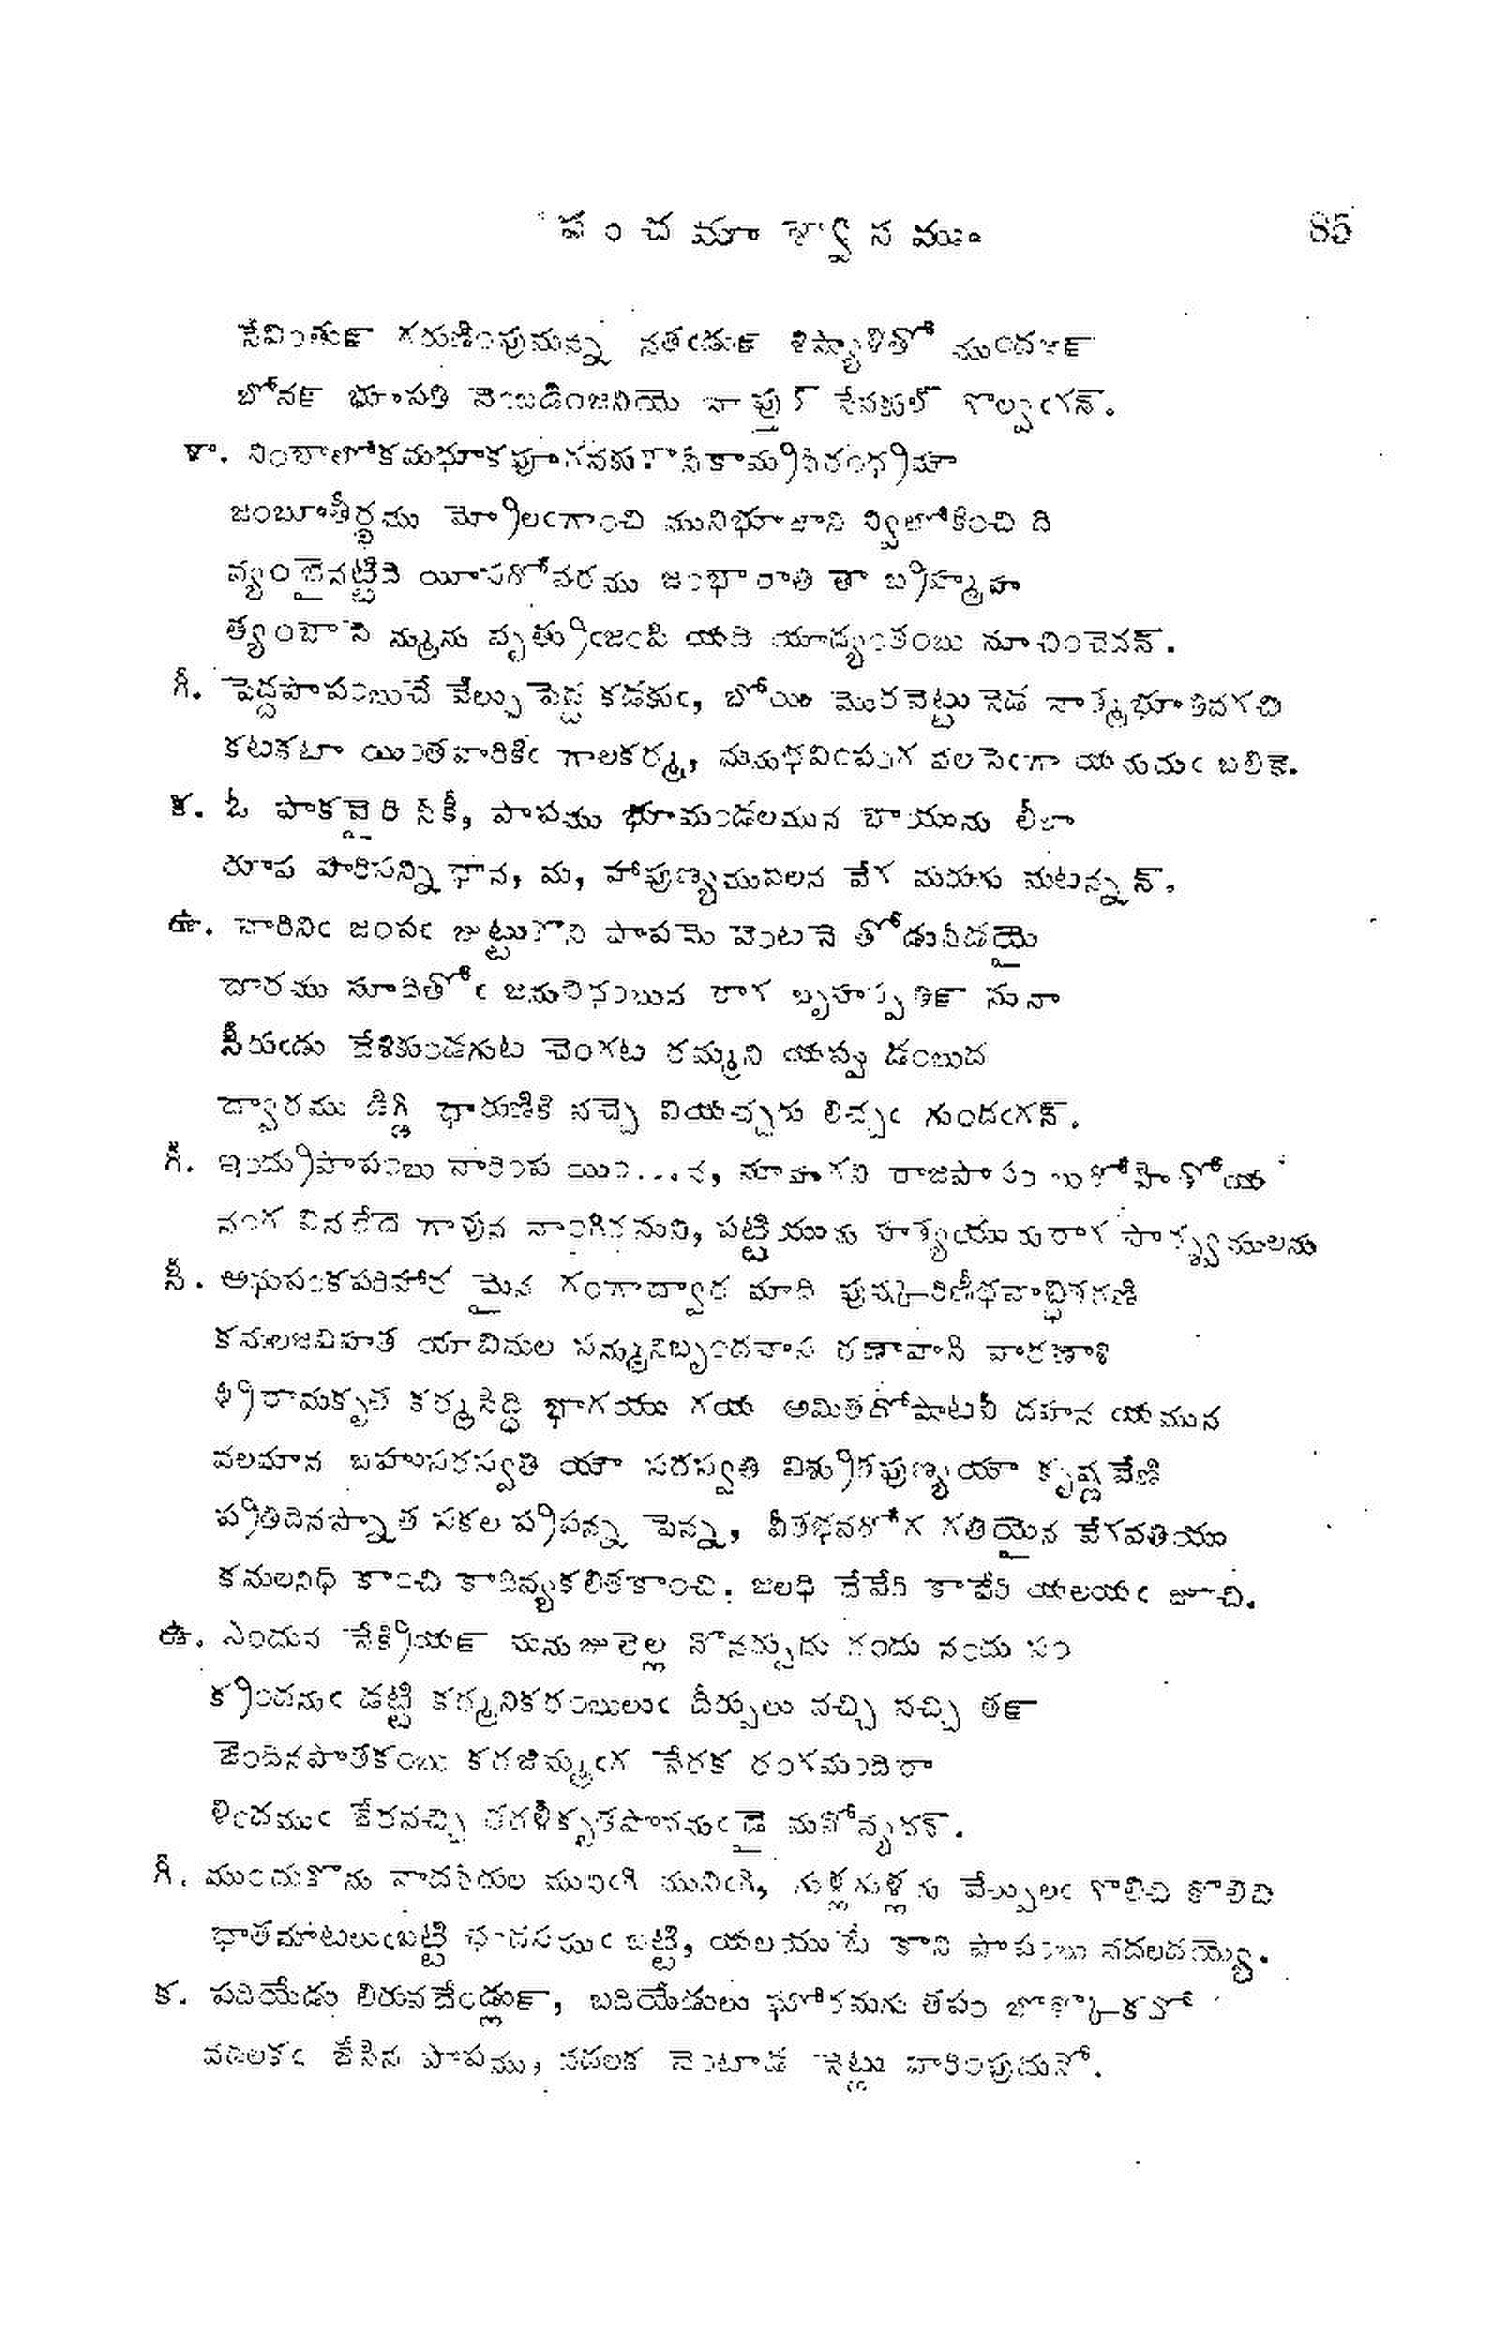సేవింతున్ గరుణింపుమన్న నతఁడు శిష్యాళితో ముందఱన్
 బోవన్ భూపతి వెంబడింజనియె నాప్తుల్ సేవకుల్ గొల్వఁగన్.
శా. నింబాలోకమధూకపూగనకుశానీకామ్రనీరంధ్రమౌ
 జంబూతీర్థము మ్రోలఁగాంచి మునిభూజాని న్విలోకించి ది
 వ్యంబైనట్టిది యీసరోవరము జంభారాతి తా బ్రహ్మహ
 త్యంబాసె న్మను వృత్రుఁ జంపి యది యాద్యంతంబు సూచించెదన్.
గీ. పెద్దపాపంబుచే వేల్పు పెద్ద కడకుఁ, బోయి మొరవెట్టునెడ నాత్మభూతివగచి
 కటకటా యింతవారికిఁ గాలకర్మ, మనుభవింపంగ వలసెఁగా యనుచుఁ బలికె.
క. ఓ పాకవైరి నీకీ, పాపము భూమండలమున బాయును లీలా
 రూప హరిసన్నిధాన, మ, హాపుణ్యమువలన వేగ మరుగు మటన్నన్.
ఉ. వారినిఁ జంపఁ జుట్టుకొని పాపమె వెంటనె తోడునీడయై
 దారము సూదితోఁ జనువిధంబున రాగ బృహస్పతిన్ నునా
 సీరుఁడు దేశికుండగుట చెంగట రమ్మని యప్పు డంబుద
 ద్వారము డిగ్గి ధారుణికి వచ్చె వియచ్చరు లిచ్చఁ గుందఁగన్.
గీ. ఇంద్రుపాపంబు వారింప యిం.....న, నూహగని రాజపాపం బురోహితో య
 నంగ వినలేదె గావున నాంగిరసుని, పట్టియును హత్యయును రాగ పార్శ్వములను.
నీ. అఘపంకపరిహార మైన గంగాద్వార మాది పుష్కరిణీభవాబ్ధితరణి
 కమలజవిహత యావిమల సన్మునిబృందవాస రణావాసి వారణాళి
 శ్రీరామకృత కర్మసిద్ధి భాగయు గయ అమితదోషాటవీ దహన యమున
 వలమాన బహుసరస్వతి యౌ సరస్వతి విశ్రుతపుణ్య యా కృష్ణవేణి
 ప్రతిదినస్నాత సకలప్రపన్న పెన్న, వీతభవరోగ గతియైన వేగవతియు
 కమలనిధి కాంచి కాదివ్యకలితకాంచి, జలధి దేవేరి కావేరి యలయఁ జూచి.
ఉ. ఎందున నేక్రియన్ మనుజులెల్ల నొనర్పుదు రందు నందు సం
 క్రందనుఁ డట్టి కర్మనికరంబులుఁ దీర్పులు వచ్చి వచ్చి తన్
 జెందినపాతకంబు కరజిమ్మఁగ నేరక రంగమందిరా
 లింగముఁ జేరవచ్చి తరళీకృతపావనుఁడై మనోవ్యధన్.
గీ. ముంచుకొను వాదునీరుల మునిఁగి మునిగి, గుళ్లగుళ్లకు వేల్పులఁ గొలిచి కొలిచి
 ధాతమాటలుఁ బట్టి ఛందసముఁ బట్టి, యలయుటే కాని పాపంబు వదలదయ్యె.
క. పదియేడు లిరువదేండ్లున్, బదియేడులు ఘోరమగు తపం బొక్కొకచో
 వదలకఁ జేసిన పాపము , వదలక వెంటాడ నెట్లు వారింపుదునో.